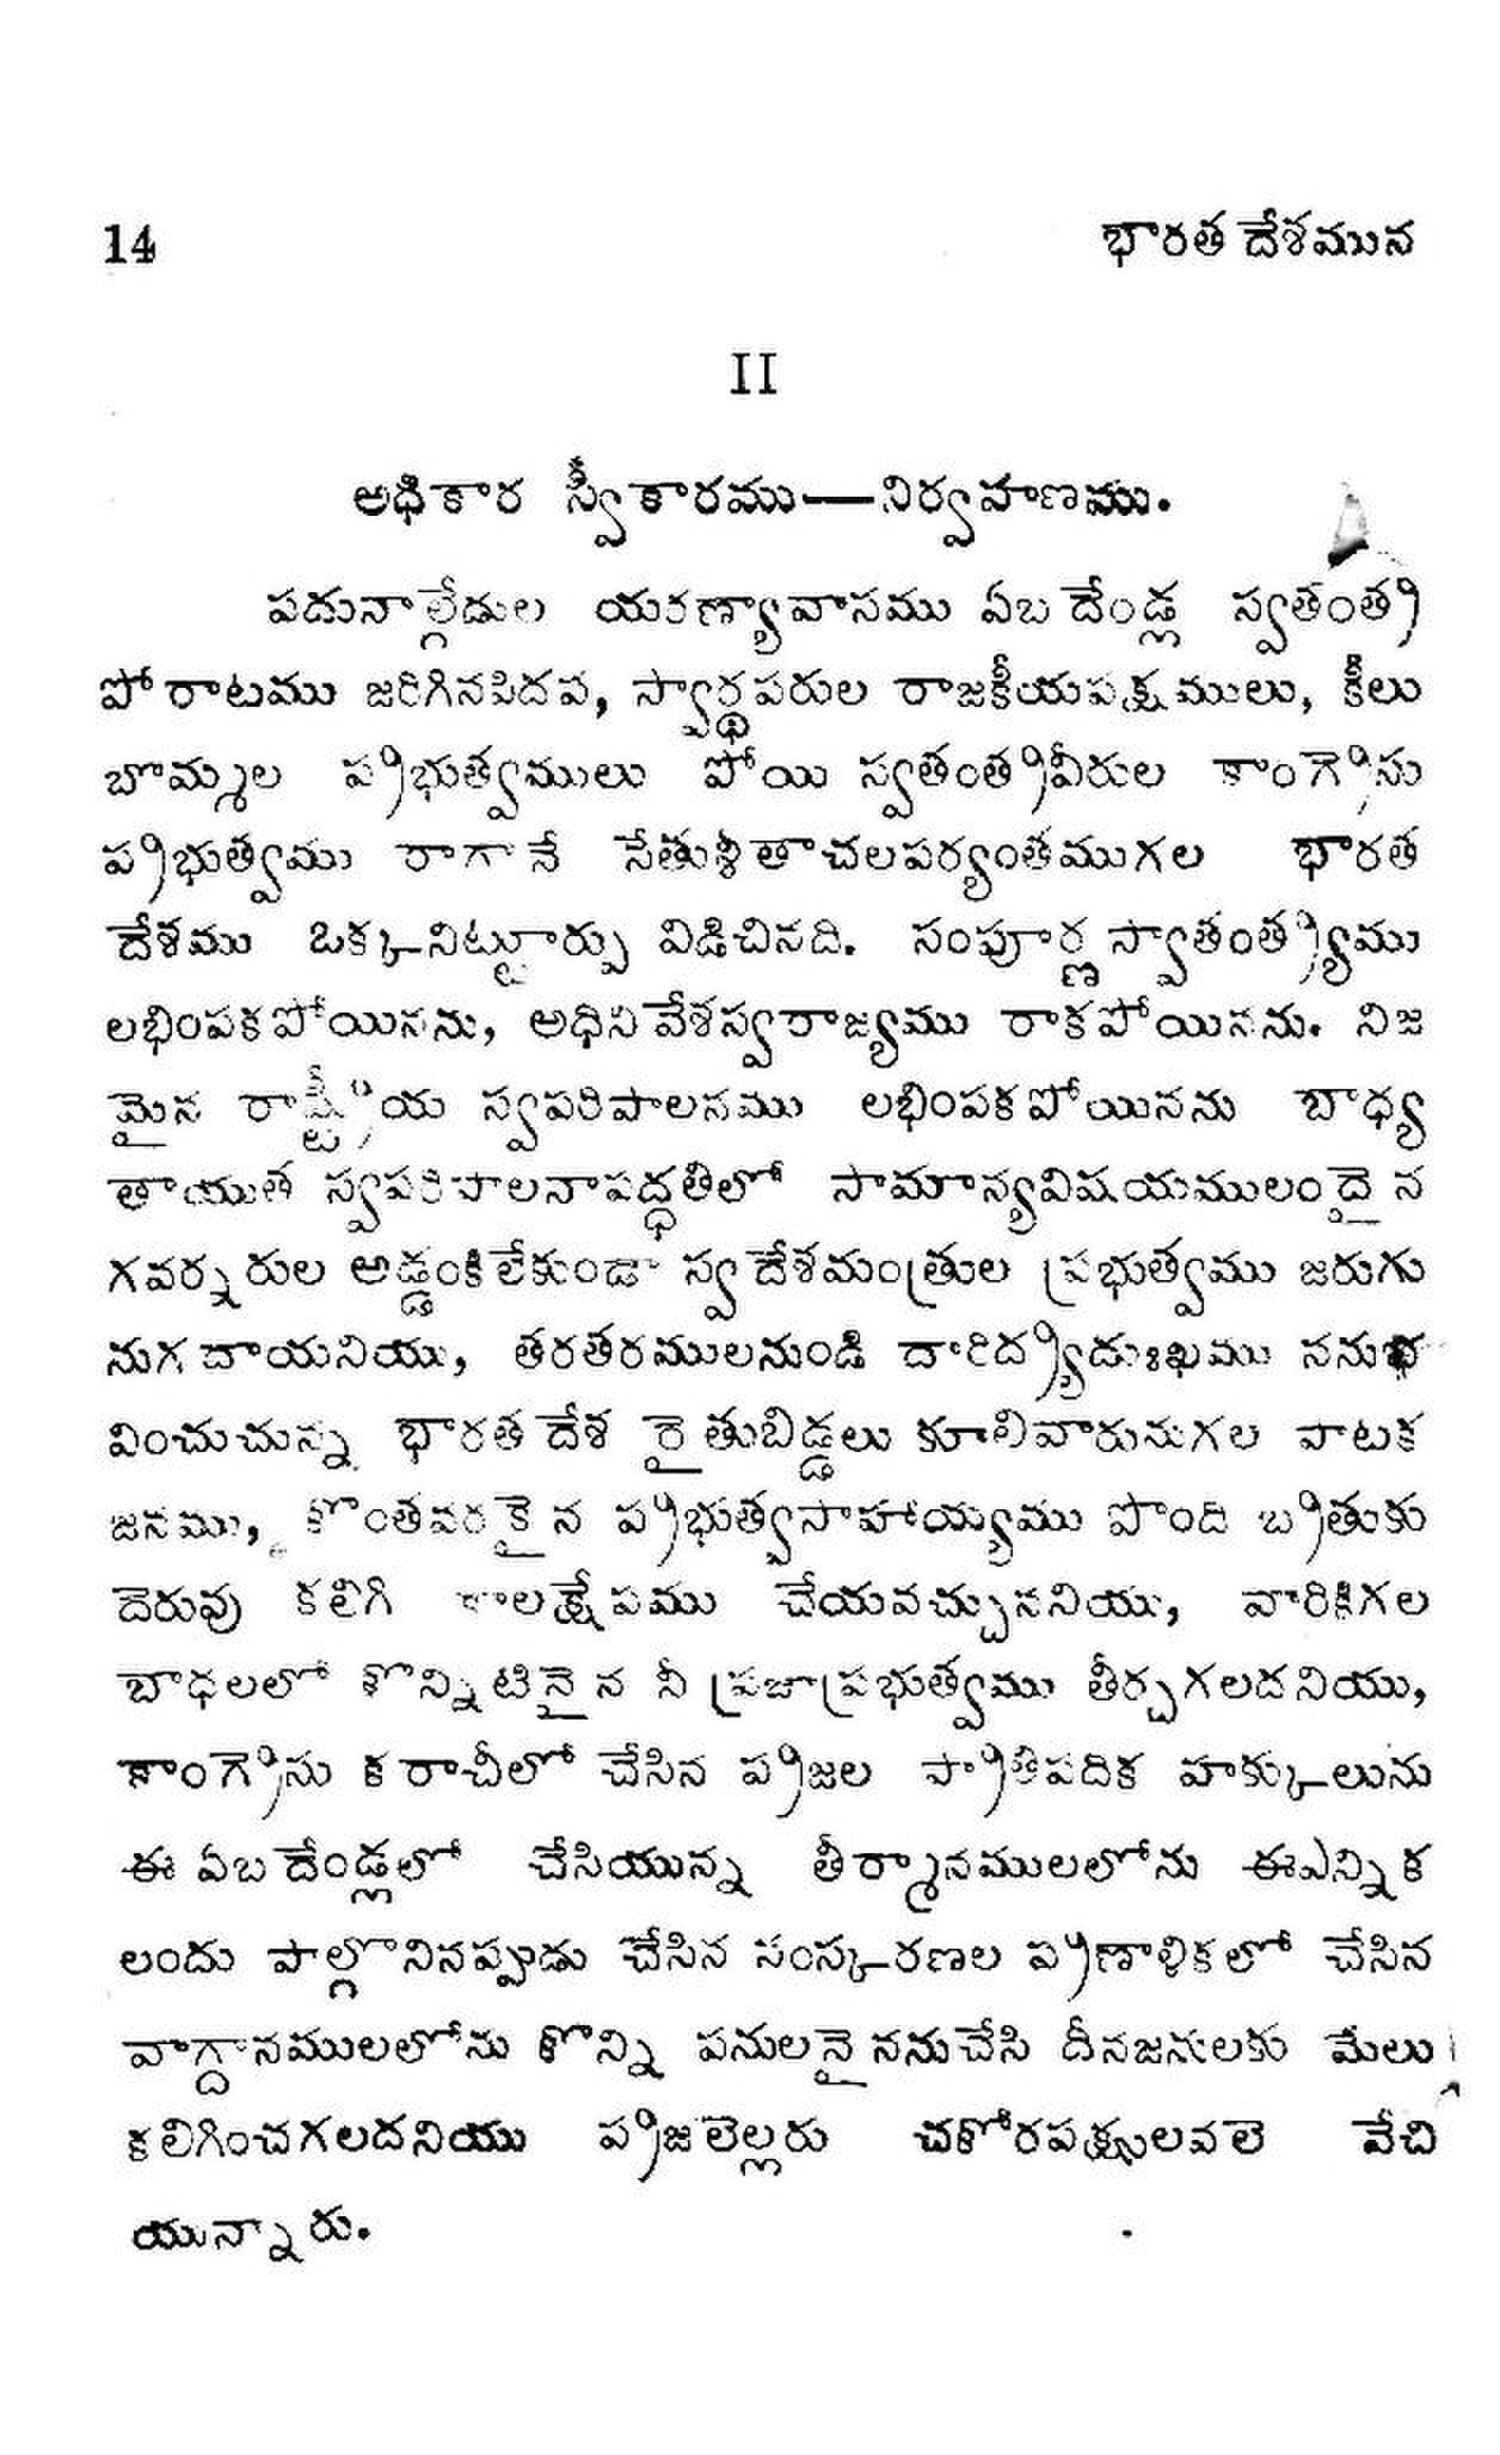II
అధికార స్వీకారము - నిర్వహణము.

పదునాల్గేడుల యరణ్యావాసము ఏబదేండ్ల స్వతంత్రపోరాటము జరిగినపిదప, స్వార్థపరుల రాజకీయపక్షములు, కీలుబొమ్మల ప్రభుత్వములు పోయి స్వతంత్రవీరుల కాంగ్రెసు ప్రభుత్వము రాగానే సేతుశీతాచలపర్యంతముగల భారత దేశము ఒక్కనిట్టూర్పు విడిచినది. సంపూర్ణ స్వాతంత్ర్యము లభింపకపోయినను, అధినివేశస్వరాజ్యము రాకపోయినను. నిజమైన రాష్ట్రీయ స్వపరిపాలనము లభింపకపోయినను బాధ్యతాయుత స్వపరిపాలనాపద్దతిలో సామాన్య విషయములందైన గవర్నరుల అడ్డంకిలేకుండా స్వదేశమంత్రుల ప్రభుత్వము జరుగునుగదాయనియు, తరతరములనుండి దారిద్ర్యదుఃఖము ననుభవించుచున్న భారతదేశ రైతుబిడ్డలు కూలివారునుగల పాటకజనము, కొంతవరకైన ప్రభుత్వసాహాయ్యము పొంది బ్రతుకు దెరువు కలిగి కాలక్షేపము చేయవచ్చుననియు, వారికిగల బాధలలో కొన్నిటినైన నీ ప్రజాప్రభుత్వము తీర్చగలదనియు, కాంగ్రెసు కరాచీలో చేసిన ప్రజల ప్రాతిపదిక హక్కులును ఈ ఏబదేండ్లలో చేసియున్న తీర్మానములలోను ఈఎన్నికలందు పాల్గొనినప్పుడు చేసిన సంస్కరణల ప్రణాళికలో చేసిన వాగ్దానములలోను కొన్ని పనులనైనను చేసి దీనజనులకు మేలు కలిగించగలదనియు ప్రజలెల్లరు చకోరపక్షులవలె వేచి యున్నారు.